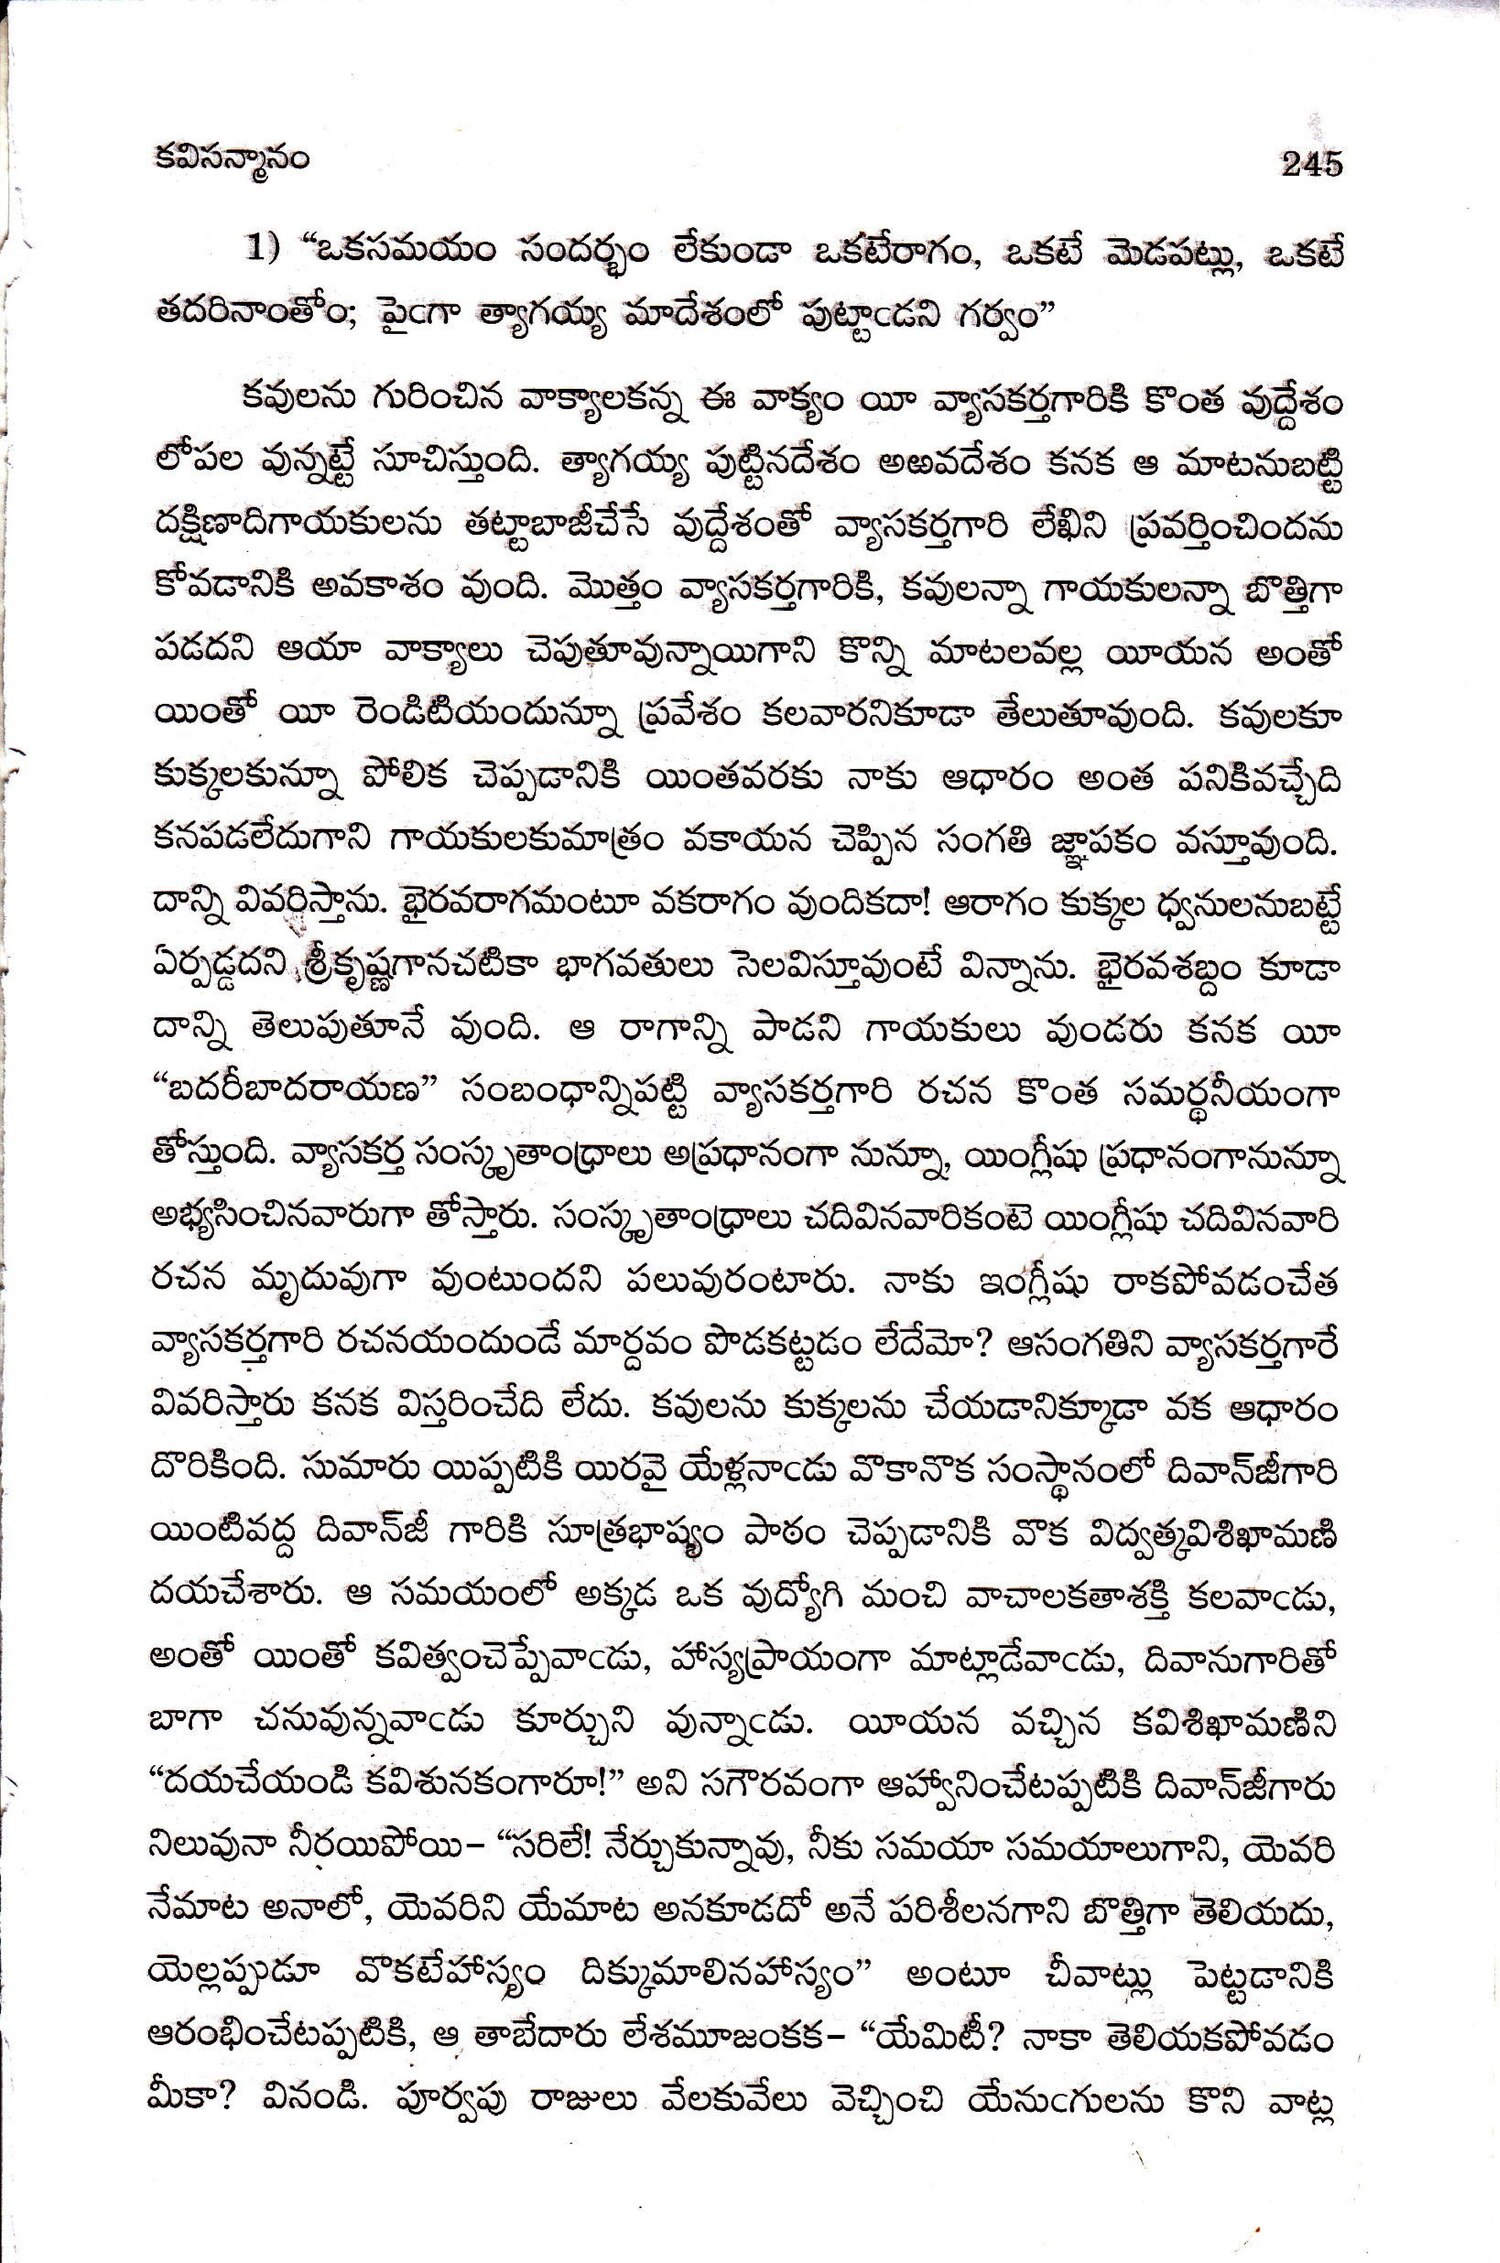1) “ఒకసమయం సందర్భం లేకుండా ఒకటేరాగం, ఒకటే మెడపట్లు, ఒకటే తదరినాంతోం; పైఁగా త్యాగయ్య మాదేశంలో పుట్టాఁడని గర్వం”

కవులను గురించిన వాక్యాలకన్న ఈ వాక్యం యీ వ్యాసకర్తగారికి కొంత వుద్దేశం లోపల వున్నట్టే సూచిస్తుంది. త్యాగయ్య పుట్టినదేశం అఱవదేశం కనక ఆ మాటనుబట్టి దక్షిణాదిగాయకులను తట్టాబాజీచేసే వుద్దేశంతో వ్యాసకర్తగారి లేఖిని ప్రవర్తించిందను కోవడానికి అవకాశం వుంది. మొత్తం వ్యాసకర్తగారికి, కవులన్నా గాయకులన్నా బొత్తిగా పడదని ఆయా వాక్యాలు చెపుతూవున్నాయిగాని కొన్ని మాటలవల్ల యీయన అంతో యింతో యీ రెండిటియందున్నూ ప్రవేశం కలవారనికూడా తేలుతూవుంది. కవులకూ కుక్కలకున్నూ పోలిక చెప్పడానికి యింతవరకు నాకు ఆధారం అంత పనికివచ్చేది కనపడలేదుగాని గాయకులకుమాత్రం వకాయన చెప్పిన సంగతి జ్ఞాపకం వస్తూవుంది. దాన్ని వివరిస్తాను. భైరవరాగమంటూ వకరాగం వుందికదా! ఆరాగం కుక్కల ధ్వనులనుబట్టే ఏర్పడ్డదని శ్రీకృష్ణగానచటికా భాగవతులు సెలవిస్తూవుంటే విన్నాను. భైరవశబ్దం కూడా దాన్ని తెలుపుతూనే వుంది. ఆ రాగాన్ని పాడని గాయకులు వుండరు కనక యీ “బదరీబాదరాయణ" సంబంధాన్నిపట్టి వ్యాసకర్తగారి రచన కొంత సమర్థనీయంగా తోస్తుంది. వ్యాసకర్త సంస్కృతాంధ్రాలు అప్రధానంగా నున్నూ యింగ్లీషు ప్రధానంగానున్నూ అభ్యసించినవారుగా తోస్తారు. సంస్కృతాంధ్రాలు చదివినవారికంటె యింగ్లీషు చదివినవారి రచన మృదువుగా వుంటుందని పలువురంటారు. నాకు ఇంగ్లీషు రాకపోవడంచేత వ్యాసకర్తగారి రచనయందుండే మార్దవం పొడకట్టడం లేదేమో? ఆసంగతిని వ్యాసకర్తగారే వివరిస్తారు కనక విస్తరించేది లేదు. కవులను కుక్కలను చేయడానిక్కూడా వక ఆధారం దొరికింది. సుమారు యిప్పటికి యిరవై యేళ్లనాఁడు వొకానొక సంస్థానంలో దివాన్‌జీగారి యింటివద్ద దివాన్‌జీ గారికి సూత్రభాష్యం పాఠం చెప్పడానికి వొక విద్వత్కవిశిఖామణి దయచేశారు. ఆ సమయంలో అక్కడ ఒక వుద్యోగి మంచి వాచాలకతాశక్తి కలవాఁడు, అంతో యింతో కవిత్వంచెప్పేవాఁడు, హాస్యప్రాయంగా మాట్లాడేవాఁడు, దివానుగారితో బాగా చనువున్నవాఁడు కూర్చుని వున్నాఁడు. యీయన వచ్చిన కవిశిఖామణిని "దయచేయండి కవిశునకంగారూ!” అని సగౌరవంగా ఆహ్వానించేటప్పటికి దివాన్‌జీగారు నిలువునా నీరయిపోయి– “సరిలే! నేర్చుకున్నావు, నీకు సమయా సమయాలుగాని, యెవరి నేమాట అనాలో, యెవరిని యేమాట అనకూడదో అనే పరిశీలనగాని బొత్తిగా తెలియదు, యెల్లప్పుడూ వొకటేహాస్యం దిక్కుమాలినహాస్యం" అంటూ చీవాట్లు పెట్టడానికి ఆరంభించేటప్పటికి, ఆ తాబేదారు లేశమూజంకక - "యేమిటీ? నాకా తెలియకపోవడం మీకా? వినండి. పూర్వపు రాజులు వేలకువేలు వెచ్చించి యేనుఁగులను కొని వాట్ల